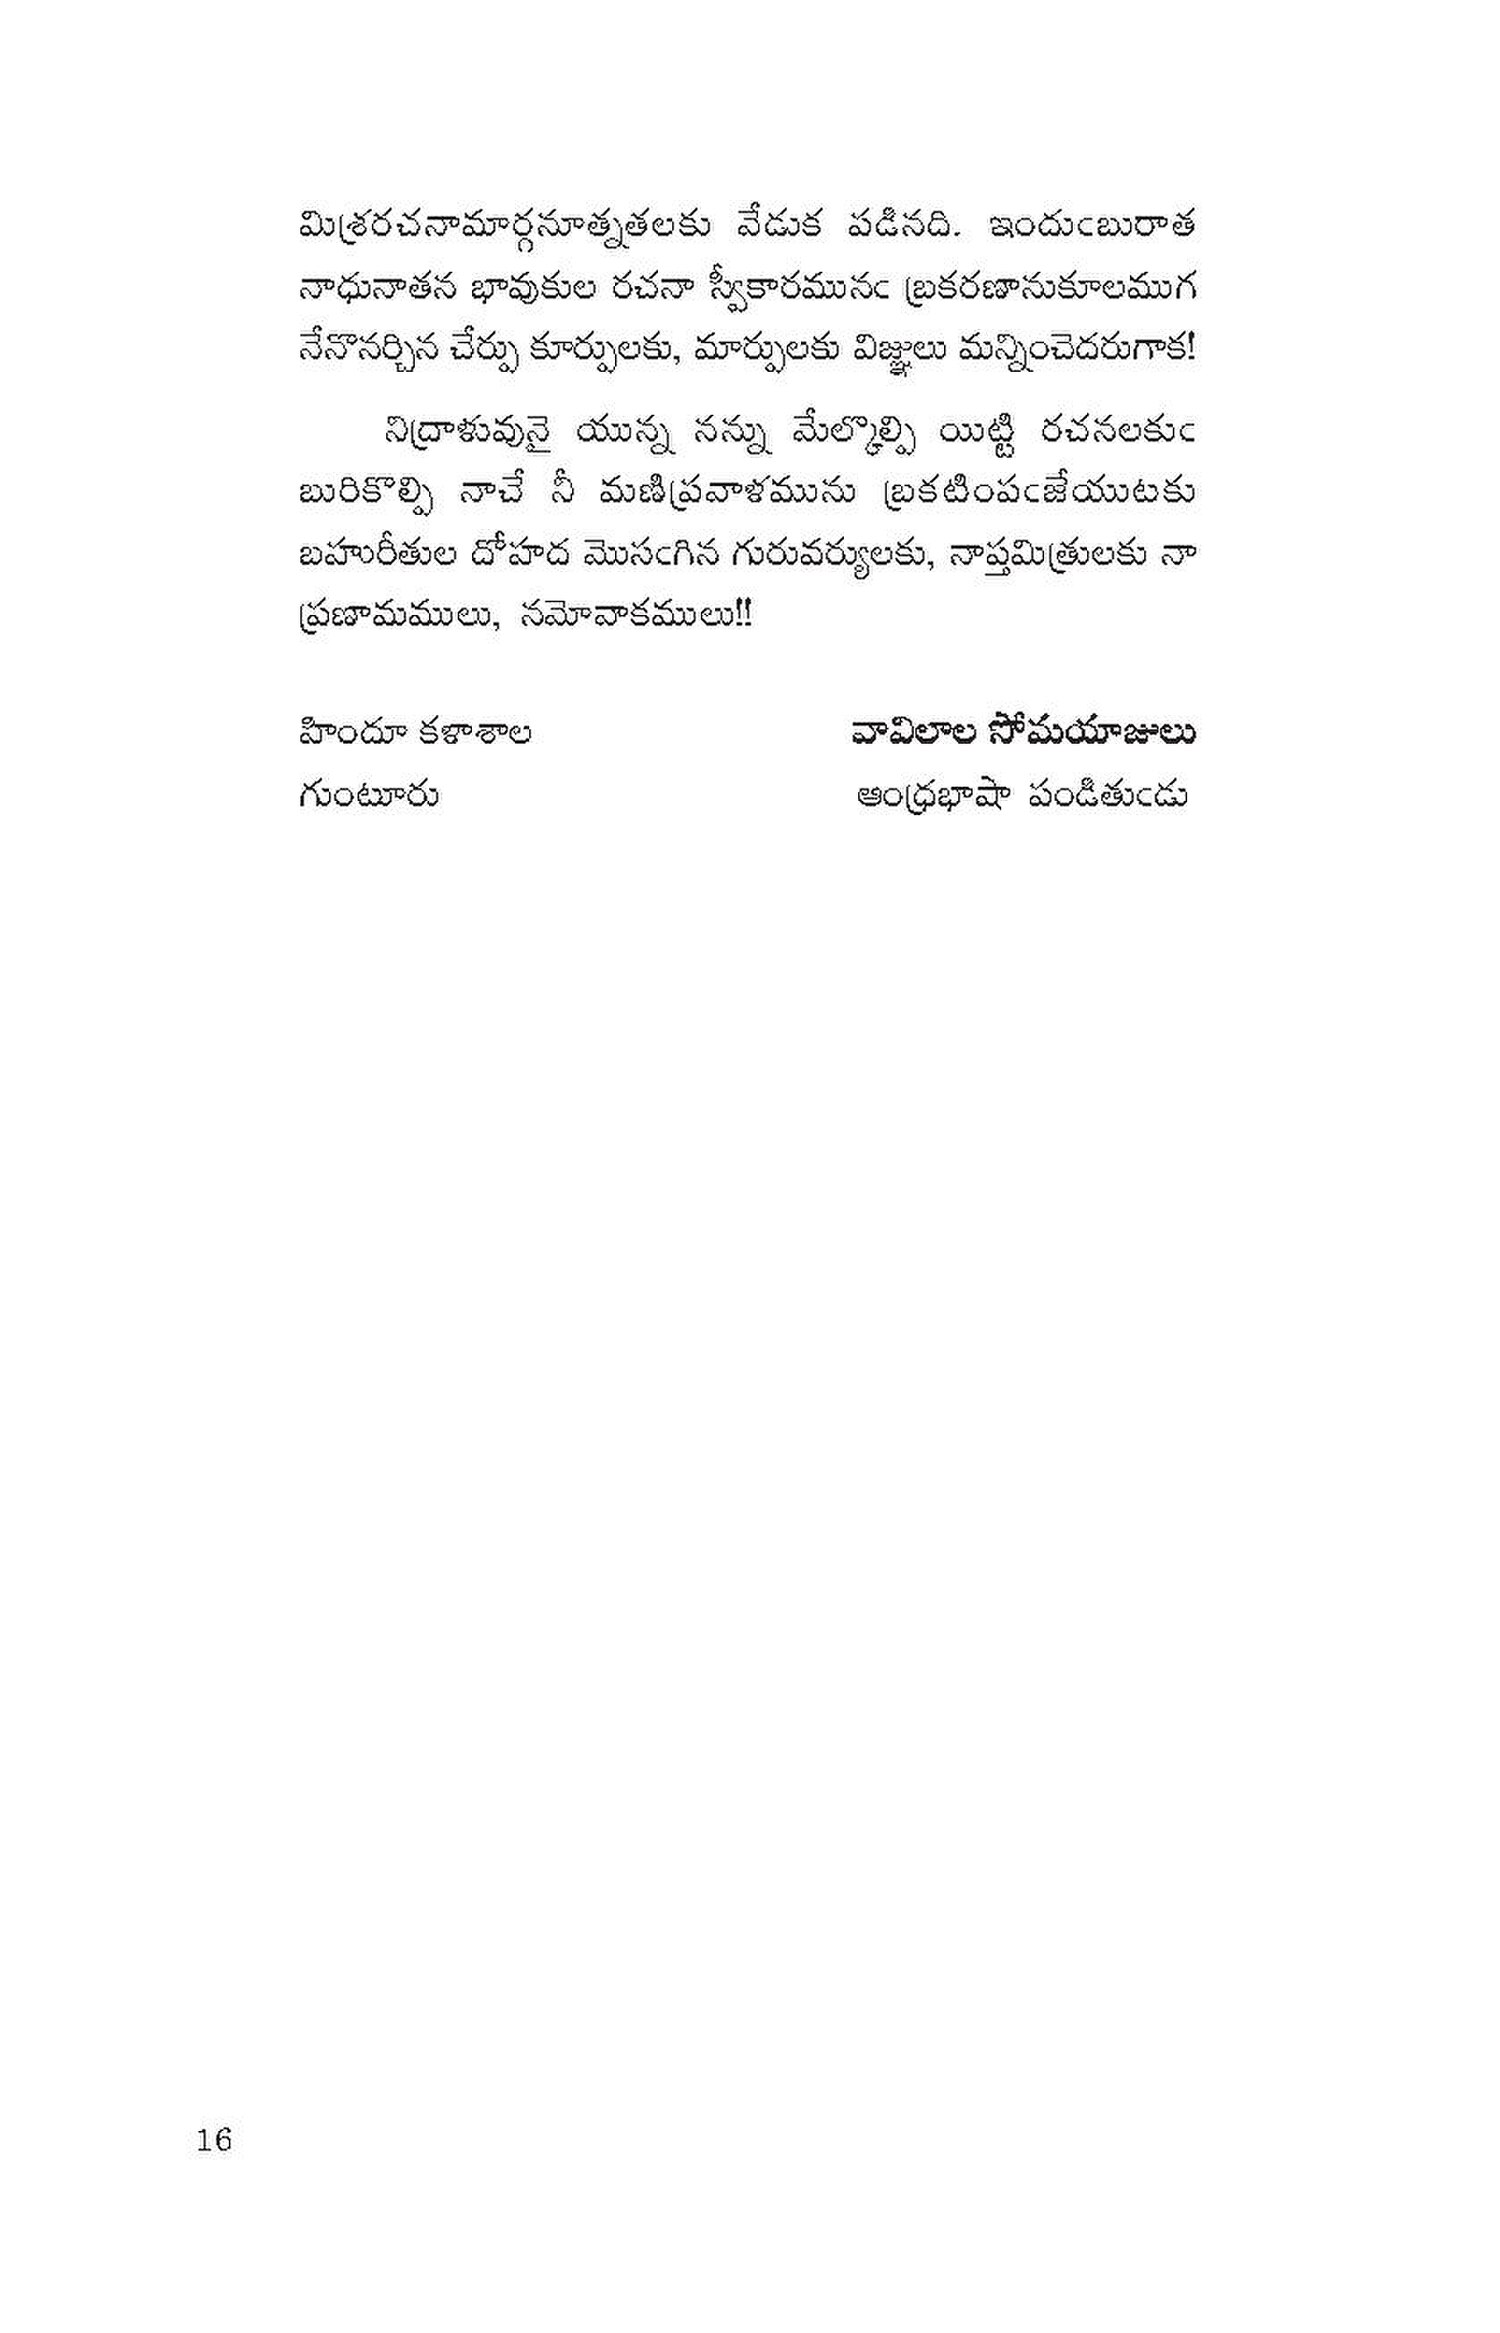మిశ్రరచనామార్గనూత్నతలకు వేడుక పడినది. ఇందుఁబురాత నాధునాతన భావుకుల రచనా స్వీకారమునఁ బ్రకరణానుకూలముగ నేనొనర్చిన చేర్పు కూర్పులకు, మార్పులకు విజ్ఞులు మన్నించెదరుగాక!

నిద్రాళువునై యున్న నన్ను మేల్కొల్పి యిట్టి రచనలకుఁ బురికొల్పి నాచే నీ మణిప్రవాళమును బ్రకటింపఁజేయుటకు
బహురీతుల దోహద మొసఁగిన గురువర్యులకు, నాప్తమిత్రులకు నా ప్రణామములు, నమోవాకములు!!